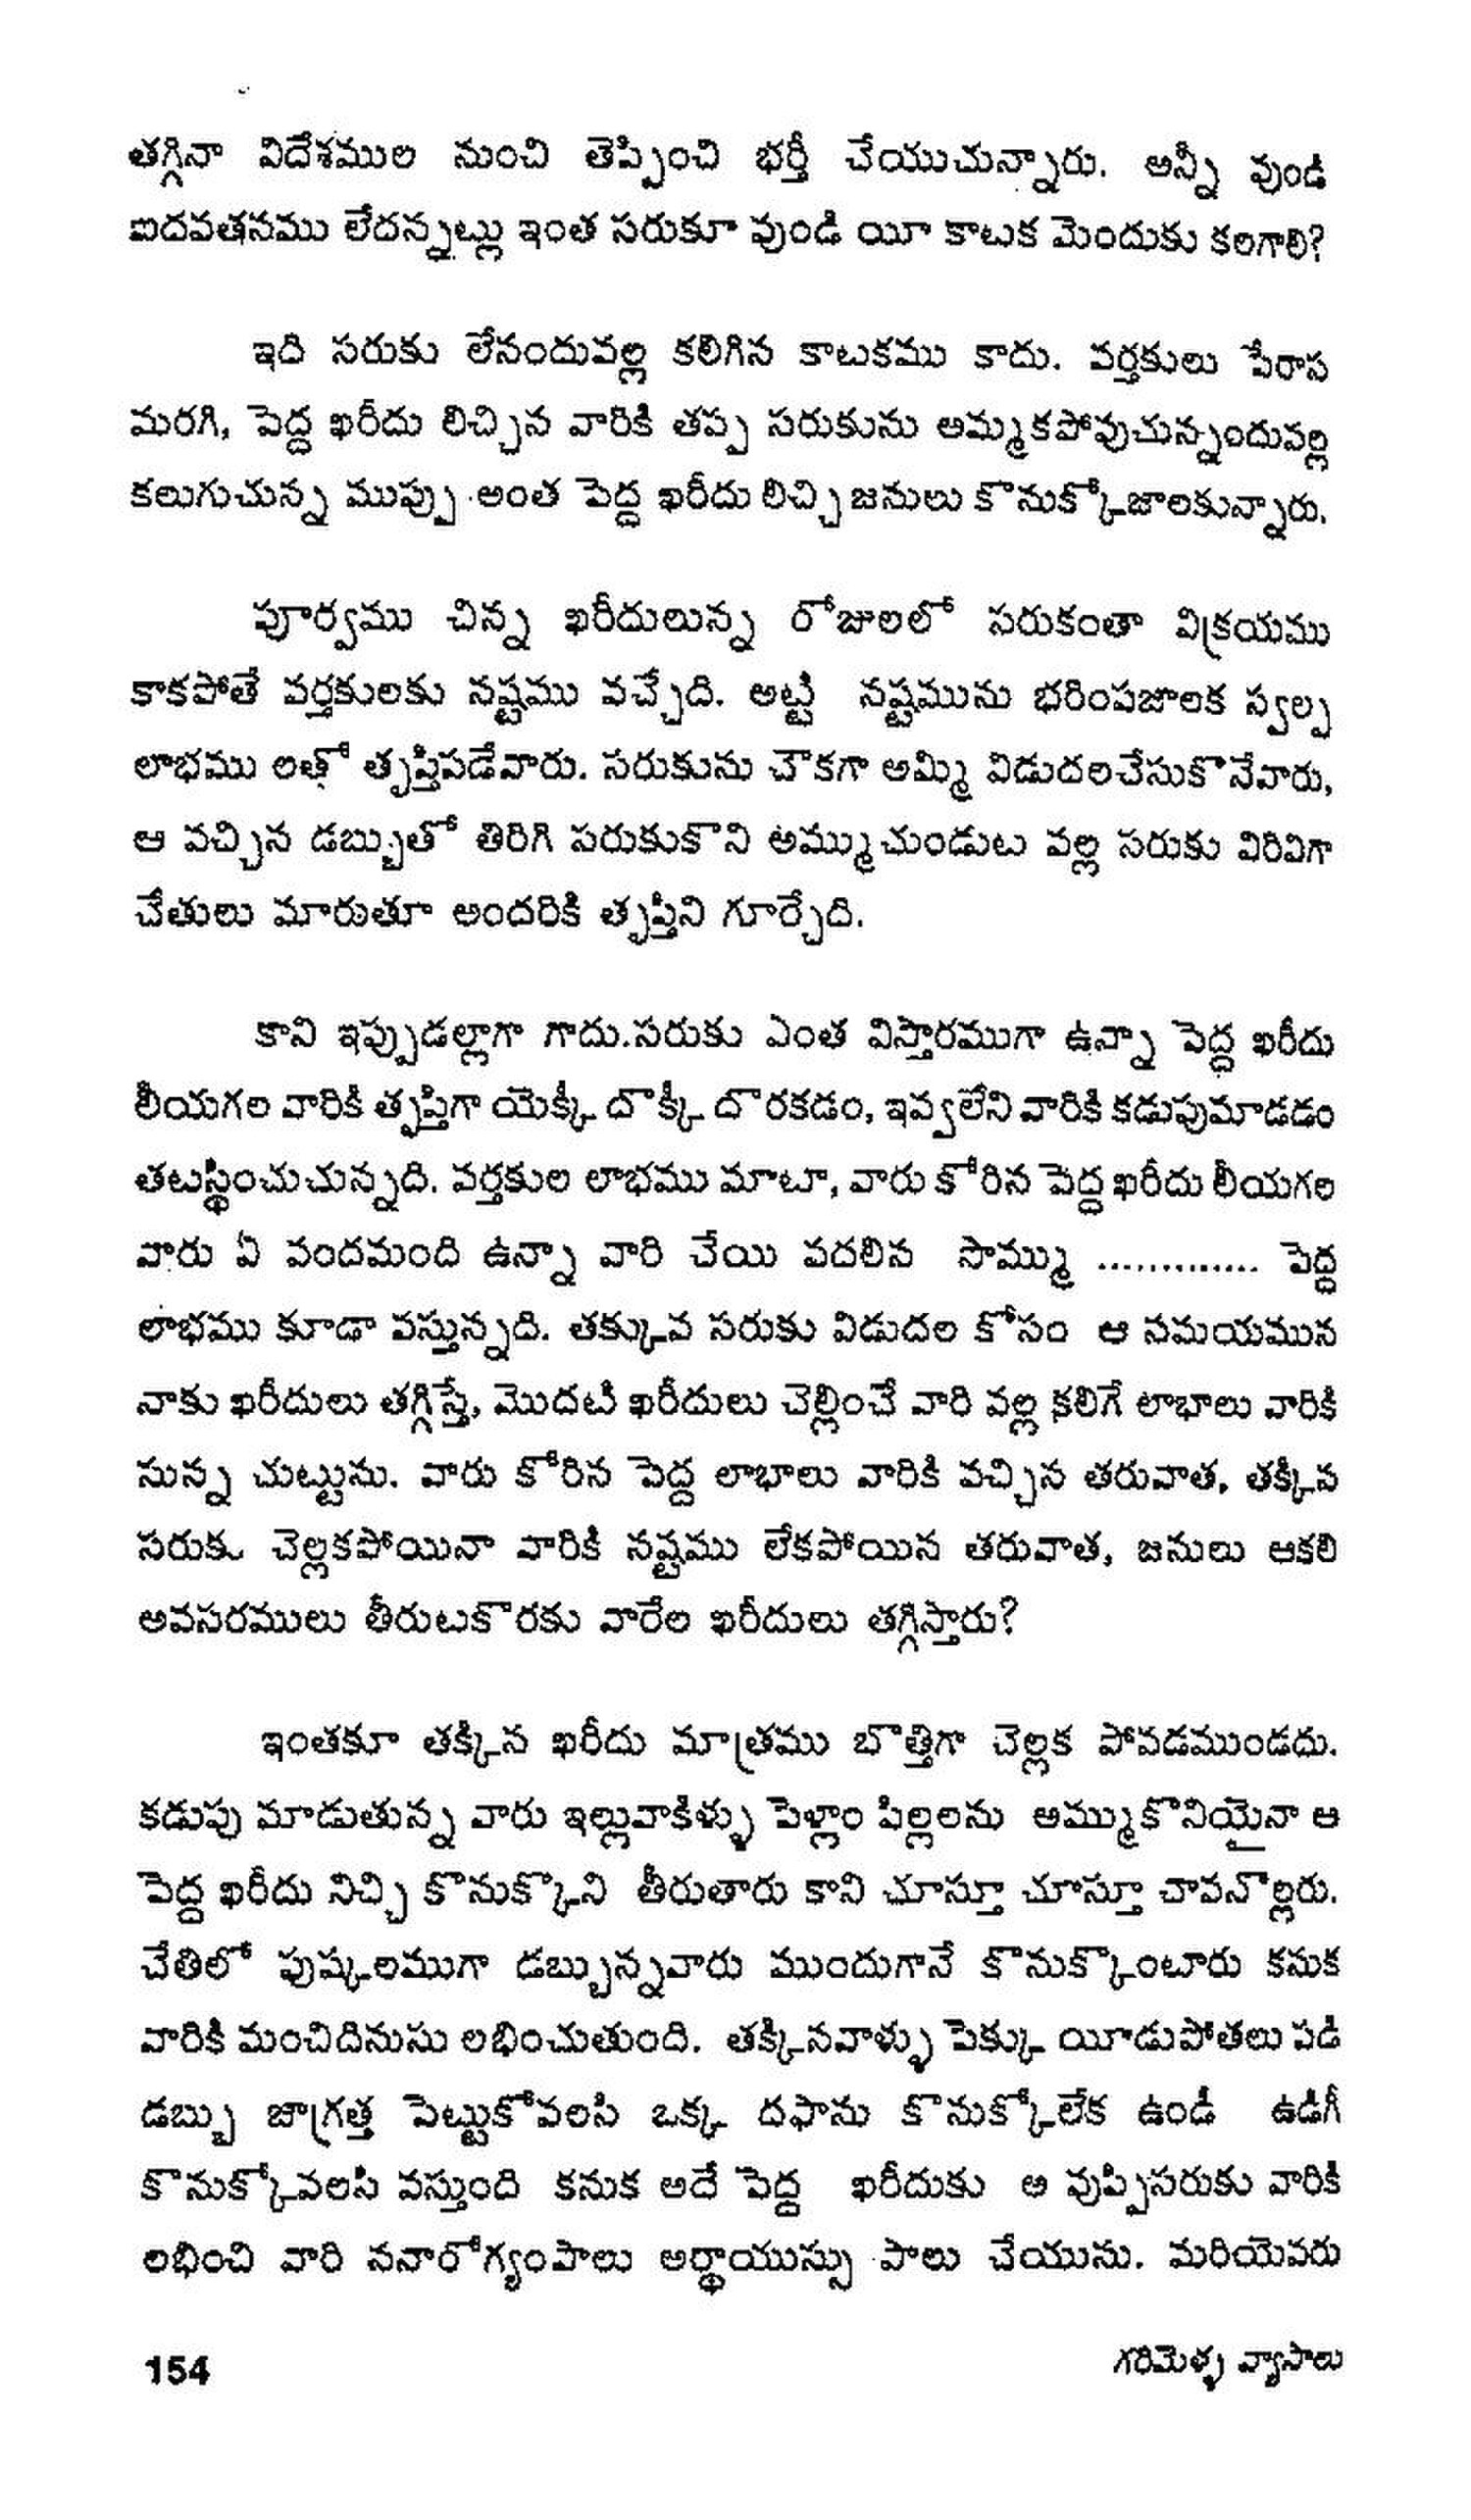తగ్గినా విదేశముల నుంచి తెప్పించి భర్తీ చేయుచున్నారు. అన్నీ వుండి ఐదవతనము లేదన్నట్లు ఇంత సరుకూ వుండి యీ కాటక మెందుకు కలగాలి?

ఇది సరుకు లేనందువల్ల కలిగిన కాటకము కాదు. వర్తకులు పేరాస మరగి, పెద్ద ఖరీదు లిచ్చిన వారికి తప్ప సరుకును అమ్మకపోవుచున్నందువల్ల కలుగుచున్న ముప్పు. అంత పెద్ద ఖరీదు లిచ్చి జనులు కొనుక్కోజాలకున్నారు.

పూర్వము చిన్న ఖరీదులున్న రోజులలో సరుకంతా విక్రయము కాకపోతే వర్తకులకు నష్టము వచ్చేది. అట్టి నష్టమును భరింపజాలక స్వల్ప లాభములతో తృప్తిపడేవారు. సరుకును చౌకగా అమ్మి విడుదలచేసుకొనేవారు. అ వచ్చిన డబ్బుతో తిరిగి సరుకుకొని అమ్ముచుండుట వల్ల సరుకు విరివిగా చేతులు మారుతూ అందరికి తృప్తిని గూర్చేది.

కాని ఇప్పుడల్లాగా గాదు. సరుకు ఎంత విస్తారముగ ఉన్నా పెద్ద ఖరీదు లీయగల వారికి తృప్తిగా యెక్కీ దొక్కి దొరకడం, ఇవ్వలేనివారికి కడుపుమాడడం తటస్థించుచున్నది. వర్తకుల లాభము మాటా, వారు కోరిన పెద్దఖరీదు లీయగలవారు ఏ వందమంది ఉన్నా వారి చేయి వదలిన సొమ్ము....... పెద్ద లాభము కూడా వస్తున్నది. తక్కువ సరుకు విడుదల కోసం ఆ సమయమున నాకు ఖరీదులు తగ్గిస్తే మొదటి ఖరీదులు చెల్లించే వారి వల్ల కలిగే లాభాలు వారికి సున్న చుట్టును. వారు కోరిన పెద్దలాభాలు వారికి వచ్చిన తరువాత, తక్కిన సరుకు చెల్లకపోయినా వారికి నష్టము లేకపోయిన తరువాత, జనులు ఆకలి అవసరములు తీరుటకొరకు వారేల ఖరీదులు తగ్గిస్తారు?

ఇంతకూ తక్కిన ఖరీదు మాత్రము బొత్తిగా చెల్లక పోవడముండదు. కడుపు మాడుతున్న వారు ఇల్లువాకిళ్ళు పెళ్లాం పిల్లలను అమ్ముకొనియైనా ఆ పెద్ద ఖరీదు నిచ్చి కొనుక్కొని తీరుతారు కాని చూస్తూ చూస్తూ చావనొల్లరు. చేతిలో పుష్కలముగా డబ్బున్నవారు ముందుగానే కొనుక్కుంటారు కనుక వారికి మంచిదినుసు లభించుతుందు. తక్కినవాళ్ళు పెక్కు యీడుపోతలు పడి డబ్బు జాగ్రత్త పెట్టుకోవలసి ఒక్క దఫాను కొనుక్కోలేక ఉండి ఉడిగీ కొనుక్కోవలసి వస్తుంది కనుక అదే పెద్ద ఖరీదుకు ఆ వుప్పిసరుకు వారికి లభించి వారి ననారోగ్యంపాలు అర్థాయుస్సు పాలు చేయును. మరియెవరు